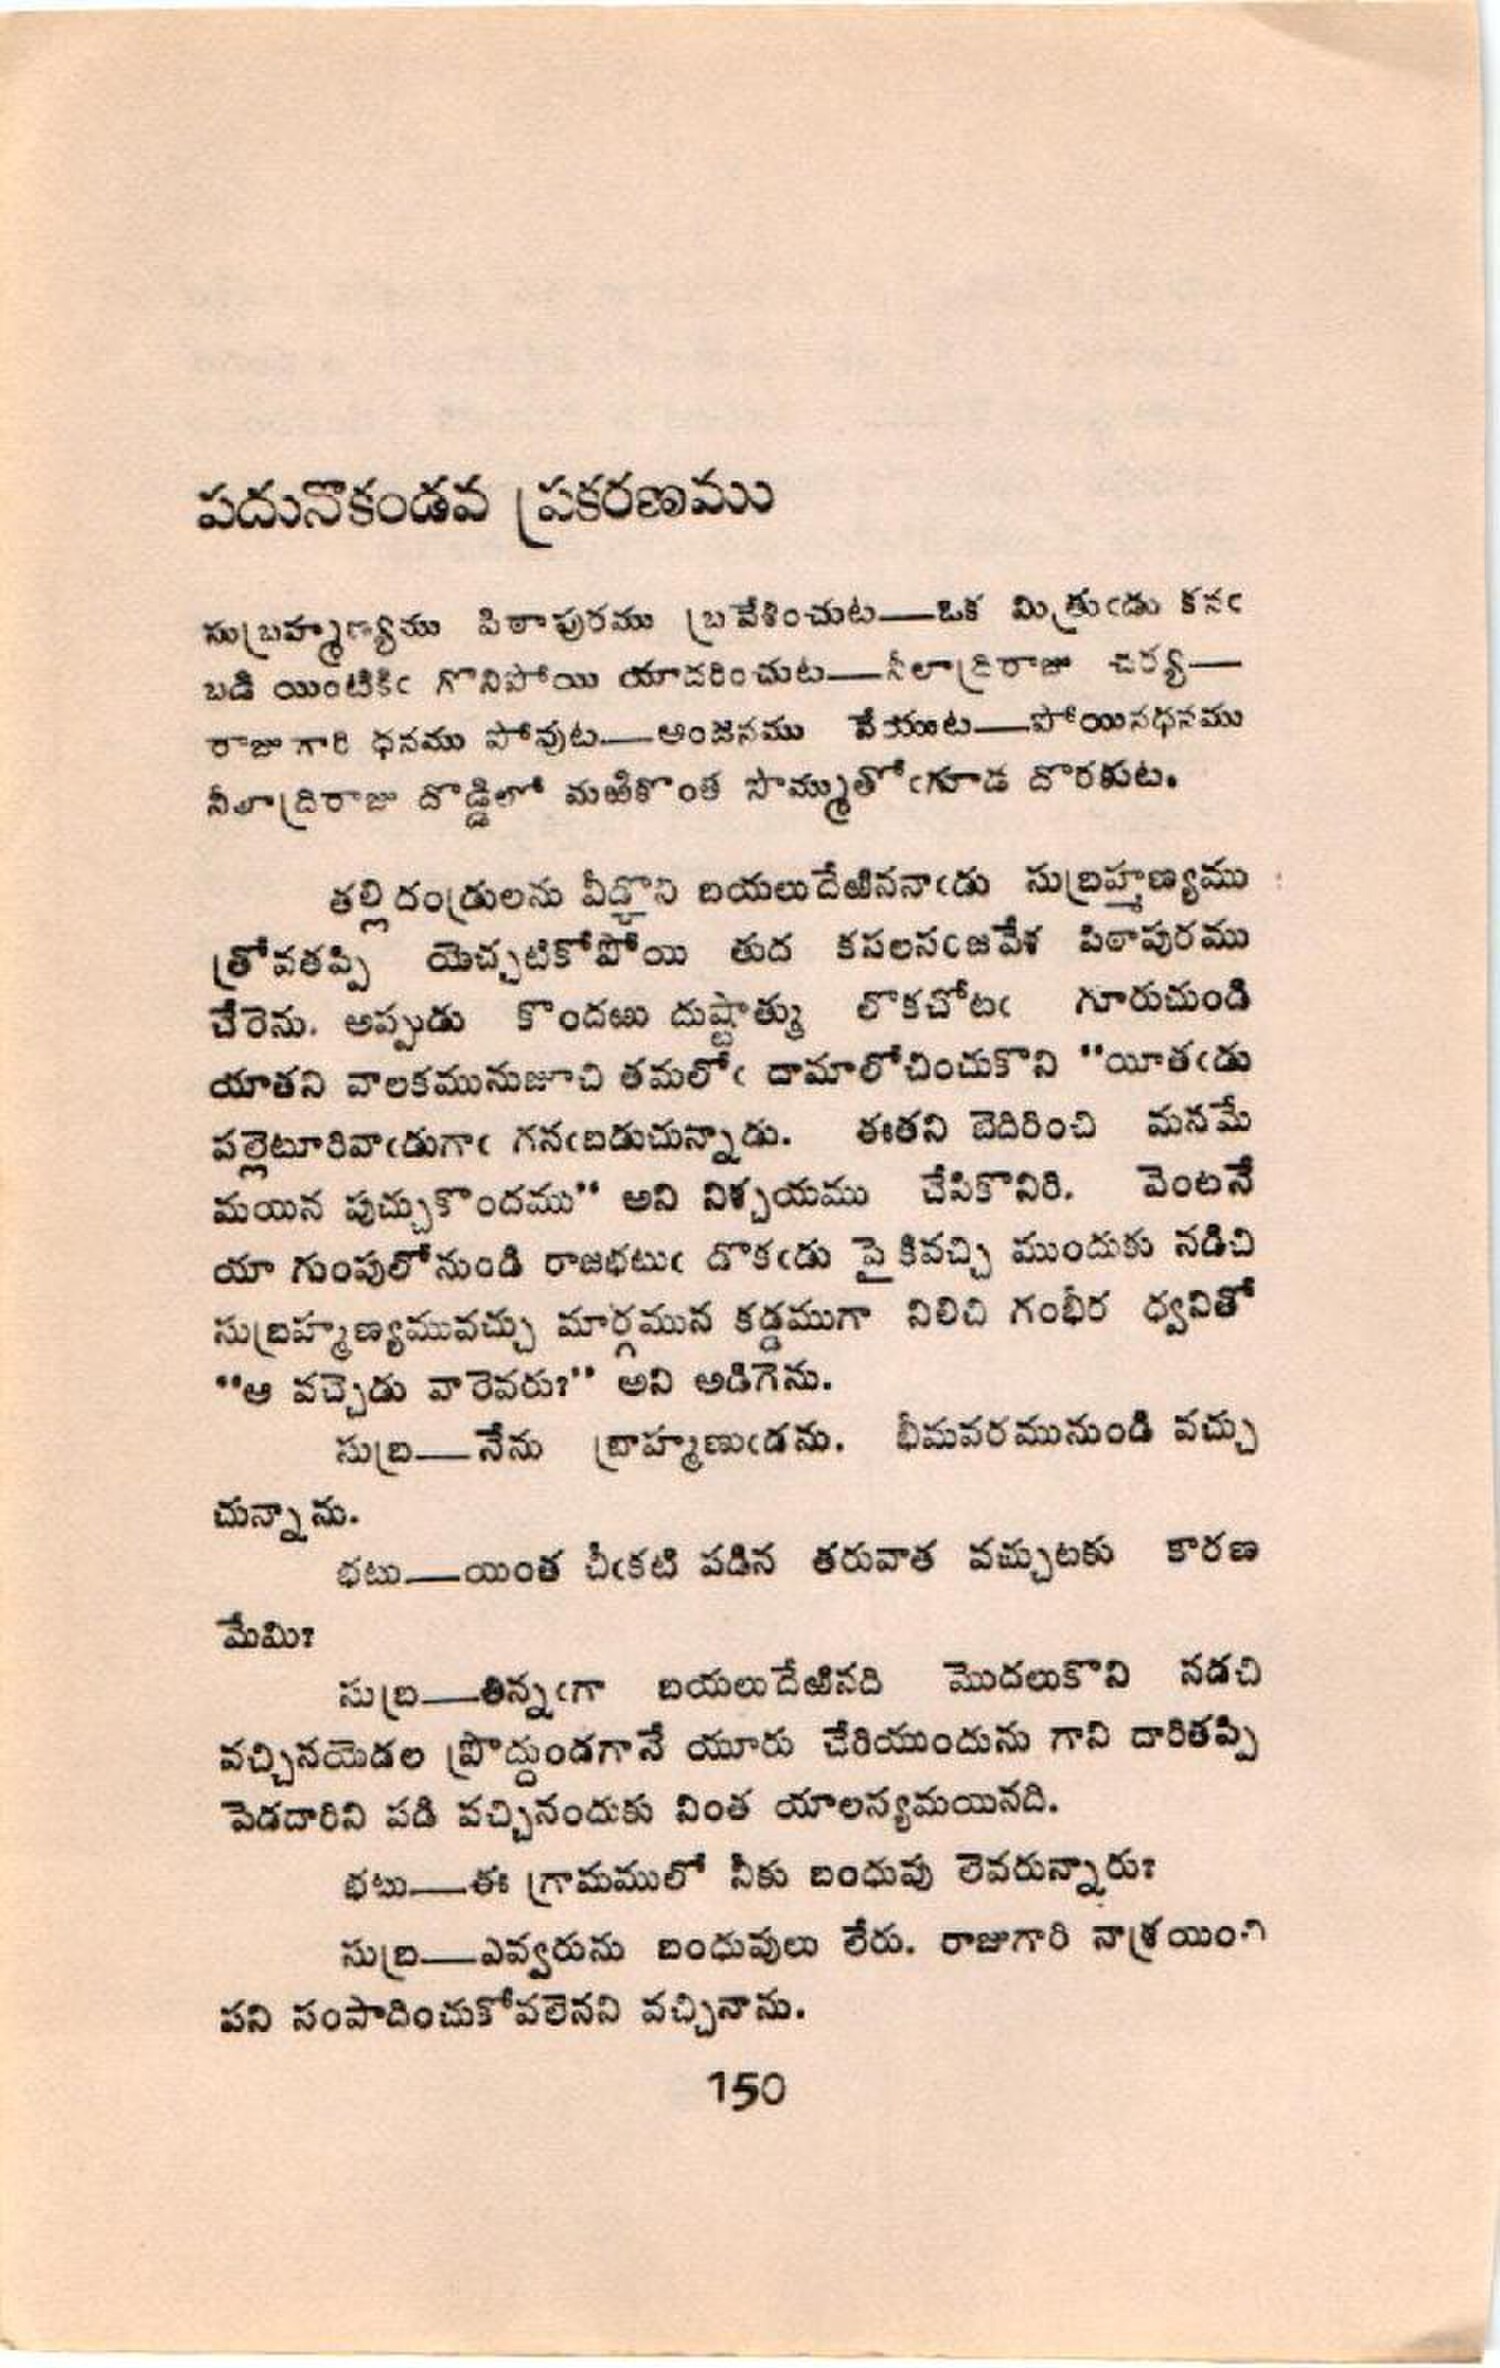పదునొకండవ ప్రకరణము

తల్లిదండ్రులను వీడ్కొకొని బయలుదేఱిననాఁడు సుబ్రహ్మణ్యము త్రోవతప్పి యెచ్చటికోపోయి తుద కసలసcజవేళ పిఠాపురము చేరెను. అప్పుడు కొందఱు దుష్టాత్ము లొకచోటఁ గూరుచుండి యాతని వాలకమునుజూచి తమలో దామాలోచించుకొని "యీతఁడు పల్లెటూరివాఁడుగాఁ గనఁబడుచున్నాడు. ఈతని బెదిరించి మనమే మయిన పుచ్చుకొందము" అని నిశ్చయము చేసికొనిరి. వెంటనే యా గుంపులోనుండి రాజభటుఁ డొకఁడు పైకివచ్చి ముందుకు నడిచి సుబ్రహ్మణ్యమువచ్చు మార్గమున కడ్డముగా నిలిచి గంభీర ధ్వనితో "ఆ వచ్చెడు వారెవరు?" అని అడిగెను.

సుబ్ర__నేను బ్రాహ్మణుఁడను, భీమవరమునుండి వచ్చు చున్నాను.

భటు__యింత చీఁకటి పడిన తరువాత వచ్చుటకు కారణ మేమి?

సుబ్ర__తిన్నఁగా బయలుదేఱినది మొదలుకొని నడచి వచ్చినయెడల ప్రొద్దుండగానే యూరు చేరియుందును గాని దారితప్పి పెడదారిని పడి వచ్చినందుకు వింత యాలస్యమయినది.

భటు__ఈ గ్రామములో నీకు బంధువు లెవరున్నారు?

సుబ్ర__ఎవ్వరును బంధువులు లేరు. రాజుగారి నాశ్రయించి పని సంపాదించుకోవలెనని వచ్చినాను.